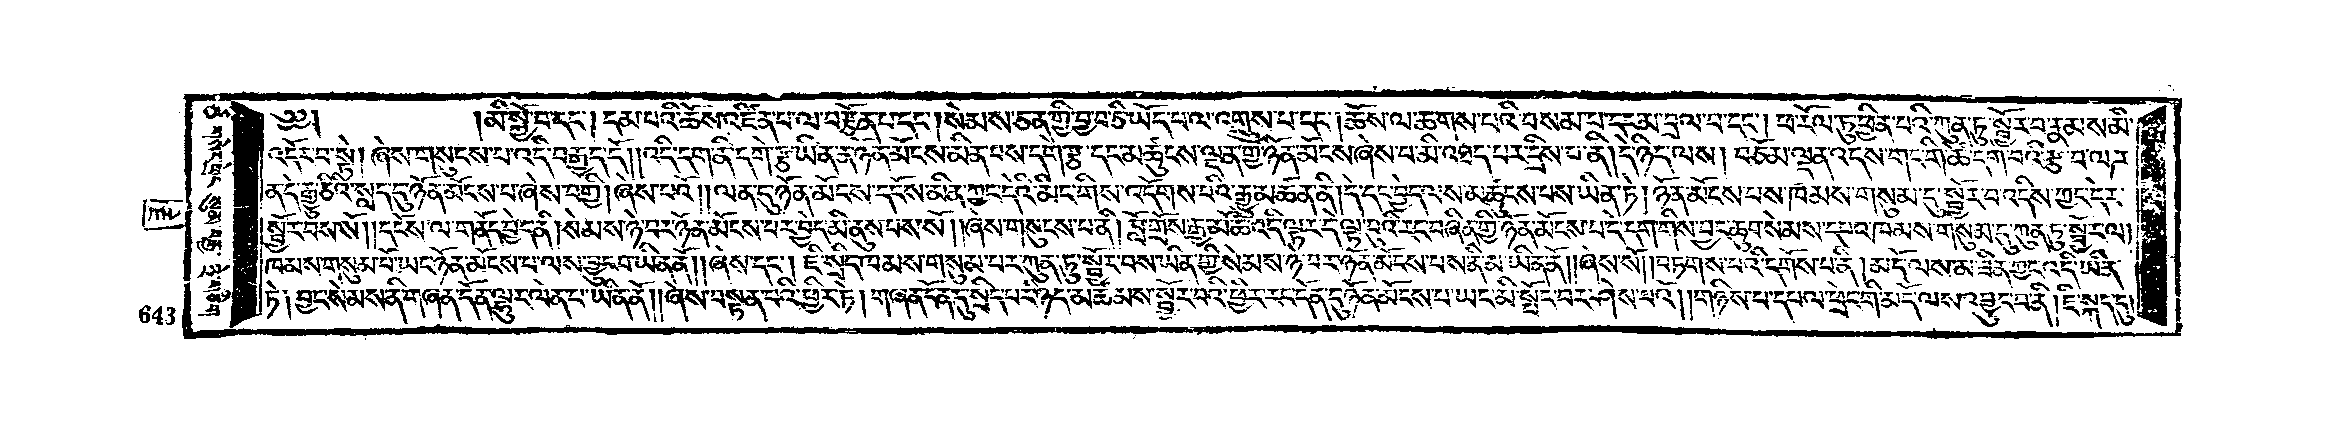༄༅། །མི་སྐྱོ་བ་དང་། དམ་པའི་ཆོས་འཛིན་པ་ལ་བརྩོན་པ་དང་། སེམས་ཅན་གྱི་བྱ་བ་ཅི་ཡོད་པ་ལ་འགྲུས་པ་དང་། ཆོས་ལ་ཆགས་པའི་བསམ་པ་དང་མ་བྲལ་བ་དང་། ཕ་རོལ་ཏུ་ཕྱིན་པའི་ཀུན་ཏུ་སྦྱོར་བ་རྣམས་མི་
འདོར་བ་སྟེ། ཞེས་གསུངས་པ་འདི་བརྒྱད་དོ། །འདི་དག་ནི་དགེ་རྩ་ཡིན་ན་ཉོན་མོངས་མིན་པས་དགེ་རྩ་དང་མཚུངས་ལྡན་གྱི་ཉོན་མོངས་ཞེས་པ་མི་འཐད་པར་དྲིས་པ་ནི། དེ་ཉིད་ལས། བཅོམ་ལྡན་འདས་གང་གི་ཚེ་དགེ་བའི་རྩ་བ་ལགས་
ན་དེ་རྒྱུ་ཅིའི་སླད་དུ་ཉོན་མོངས་པ་ཞེས་བགྱི། ཞེས་པའོ། །ལན་དུ་ཉོན་མོངས་དངོས་མིན་ཀྱང་དེའི་མིང་གིས་འདོགས་པའི་རྒྱུ་མཚན་ནི། དེ་དང་བྱེད་ལས་མཚུངས་པས་ཡིན་ཏེ། ཉོན་མོངས་པས་ཁམས་གསུམ་དུ་སྦྱོར་བ་འདིས་ཀྱང་དེར་
སྦྱོར་བས་སོ། །དངོས་ལ་གནོད་བྱེད་ནི། སེམས་ཉེ་བར་ཉོན་མོངས་པར་བྱེད་མི་ནུས་པས་སོ། །ཞེས་གསུངས་པ་ནི། བློ་གྲོས་རྒྱ་མཚོ་འདི་ལྟར་དེ་ལྟ་བུའི་རང་བཞིན་གྱི་ཉོན་མོངས་པ་དེ་དག་གིས་བྱང་ཆུབ་སེམས་དཔའ་ཁམས་གསུམ་དུ་ཀུན་ཏུ་སྦྱོར་ལ།
ཁམས་གསུམ་པོ་ཡང་ཉོན་མོངས་པ་ལས་བྱུང་བ་ཡིན་ནོ། །ཞེས་དང་། ཇི་སྲིད་ཁམས་གསུམ་པར་ཀུན་ཏུ་སྦྱོར་བས་ཡིན་གྱི་སེམས་ཉེ་བར་ཉོན་མོངས་པས་ནི་མ་ཡིན་ནོ། །ཞེས་སོ། །བཏགས་པའི་དགོས་པ་ནི། མདོ་ལས་མ་ཟིན་ཀྱང་འདི་ཡིན་
ཏེ། བྱང་སེམས་ནི་གཞན་དོན་ལྷུར་ལེན་པ་ཡིན་ནོ། །ཞེས་བསྟན་པའི་ཕྱིར་ཏེ། གཞན་དོན་དུ་སྲིད་པར་ཉིད་མཚམས་སྦྱོར་བའི་ཕྱིར་རང་དོན་དུ་ཉོན་མོངས་པ་ཡང་མི་སྤོང་བར་ཤེས་པའོ། །གཉིས་པ་དཔལ་ཕྲེང་གི་མདོ་ལས་འབྱུང་བ་ནི། ཇི་སྐད་དུ།